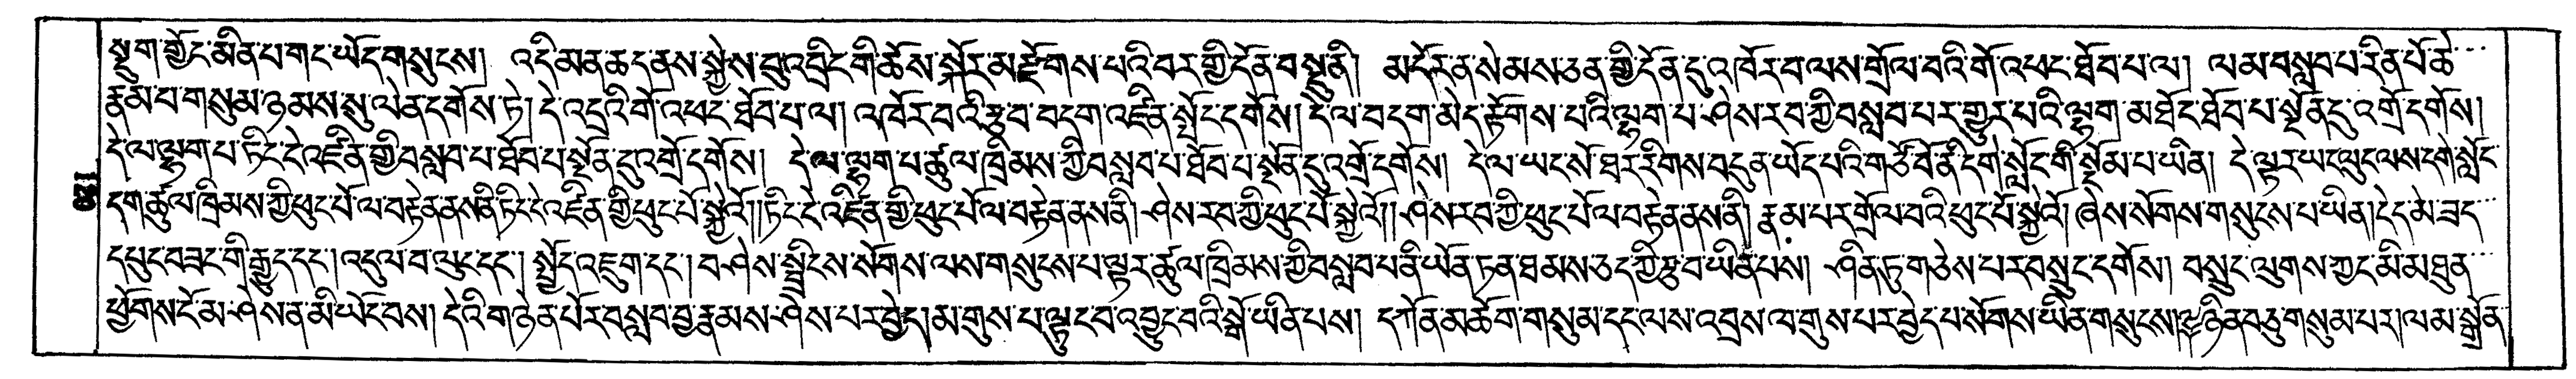སྡུག་གྱོད་མིན་པ་གང་ཡོད་གསུངས། འདི་མན་ཆད་ནས་སྐྱེས་བུ་འབྲིང་གི་ཆོས་སྐོར་མ་རྫོགས་པའི་བར་གྱི་དོན་བསྡུ་ནི། མདོར་ན་སེམས་ཅན་གྱི་དོན་དུ་འཁོར་བ་ལས་གྲོལ་བའི་གོ་འཕང་ཐོབ་པ་ལ། ལམ་བསླབ་པ་རིན་པོ་ཆེ་
རྣམ་པ་གསུམ་ཉམས་སུ་ལེན་དགོས་ཏེ། དེ་འདྲའི་གོ་འཕང་ཐོབ་པ་ལ། འཁོར་བའི་རྩ་བ་བདག་འཛིན་སྤོང་དགོས། དེ་ལ་བདག་མེད་རྟོགས་པའི་ལྷག་པ་ཤེས་རབ་ཀྱི་བསླབ་པར་གྱུར་པའི་ལྷག་མཐོང་ཐོབ་པ་སྔོན་དུ་འགྲོ་དགོས།
དེ་ལ་ལྷག་པ་ཏིང་ངེ་འཛིན་གྱི་བསླབ་པ་ཐོབ་པ་སྔོན་དུ་འགྲོ་དགོས། དེ་ལ་ལྷག་པ་ཚུལ་ཁྲིམས་ཀྱི་བསླབ་པ་ཐོབ་བ་སྔོན་དུ་འགྲོ་དགོས། དེ་ལ་ཡང་སོ་ཐར་རིགས་བདུན་ཡོད་པའི་གཙོ་བོ་ནི་དགེ་སློང་གི་སྡོམ་པ་ཡིན། དེ་ལྟར་ཡང་ལུང་ལས་དགེ་སློང་
དག་ཚུལ་ཁྲིམས་ཀྱི་ཕུང་པོ་ལ་བརྟེན་ནས་ནི་ཏིང་ངེ་འཛིན་གྱི་ཕུང་པོ་སྐྱེའོ། །ཏིང་ངེ་འཛིན་གྱི་ཕུང་པོ་ལ་བརྟེན་ནས་ནི། ཤེས་རབ་ཀྱི་ཕུང་པོ་སྐྱེའོ། །ཤེས་རབ་ཀྱི་ཕུང་པོ་ལ་བརྟེན་ནས་ནི། རྣམ་པར་གྲོལ་བའི་ཕུང་པོ་སྐྱེའོ། ཞེས་སོགས་གསུངས་པ་ཡིན། དེར་མ་ཟད་
དཔུང་བཟང་གི་རྒྱུད་དང་། འདུལ་བ་ལུང་དང་། སྤྱོད་འཇུག་དང་། བཤེས་སྤྲིངས་སོགས་ལས་གསུངས་པ་ལྟར་ཚུལ་ཁྲིམས་ཀྱི་བསླབ་པ་ནི་ཡོན་ཏན་ཐམས་ཅད་ཀྱི་རྩ་བ་ཡིན་པས། ཤིན་ཏུ་གཅེས་པར་བསྲུང་དགོས། བསྲུང་ལུགས་ཀྱང་མི་མཐུན་
ཕྱོགས་ངོ་མ་ཤེས་ན་མི་ཡོང་བས། དེའི་གཉེན་པོར་བསླབ་བྱ་རྣམས་ཤེས་པར་བྱེད། མ་གུས་པ་ལྟུང་བ་འབྱུང་བའི་སྒོ་ཡིན་པས། དཀོན་མཆོག་གསུམ་དང་ལས་འབྲས་ལ་གུས་པར་བྱེད་པ་སོགས་ཡིན་གསུངས། ༈ ཉིན་བཅུ་གསུམ་པར། ལམ་སྒྲོན་